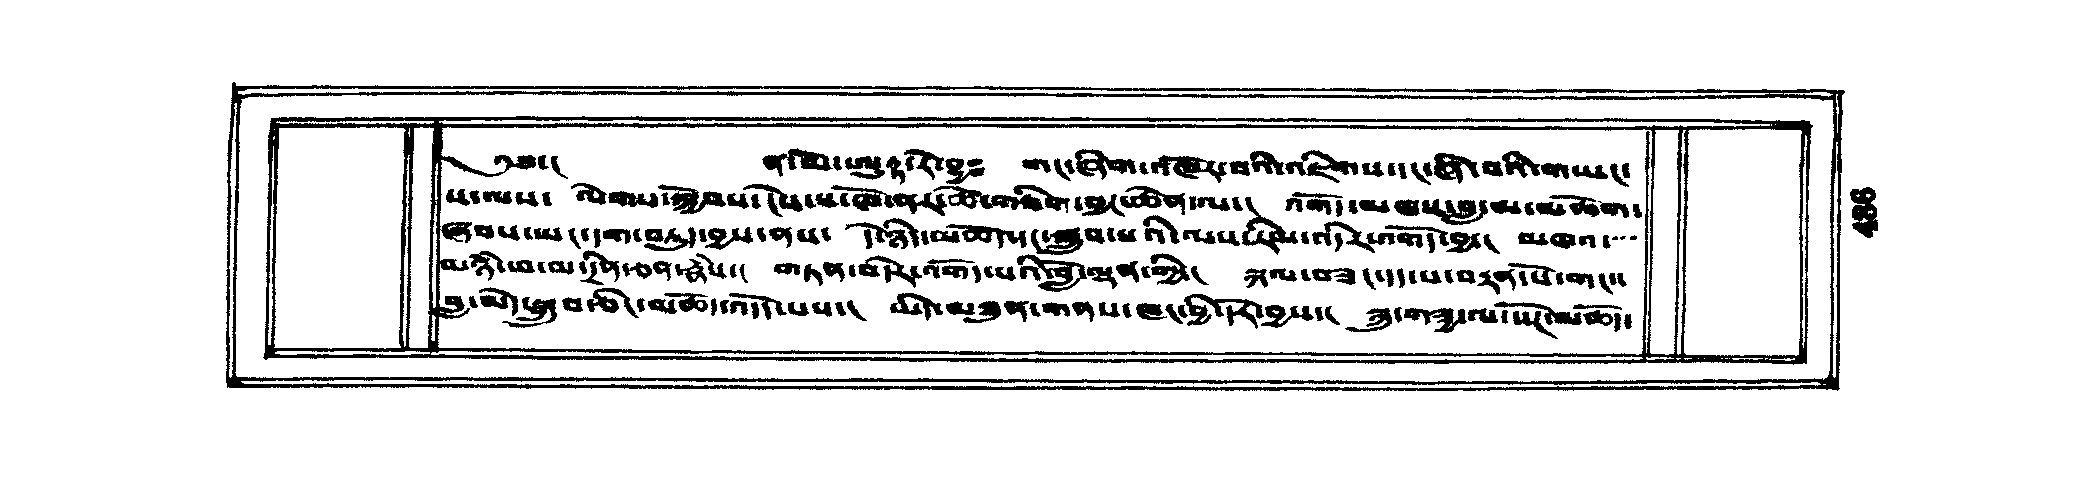ན་མོ་ཨུ་རྟེ་བྷྱཿ གང་ཞིག་འཁོར་བའི་འཇིགས་དང་ཞི་བའི་གཡང་
ས་ལས། །ལེགས་སྐྱོབས་ངེས་པ་ཁོ་ནར་ཚེ་གཅིག་བྱང་ཆེན་ལ། །འགོད་མཁས་བླ་མ་མཆོག་
ཞབས་ཡང་དག་བཏུད་བྱས་ནས། །དེ་ཉིད་མཆོག་དང་སྒྲུབ་པའི་ལས་རིམ་འདིར་འགོད་བྱ། །མཁའ་
མཉམ་ཕ་མ་དྲིན་ཅན་རྣམས། །གཏན་བདེར་འགོད་པའི་བློ་ལྡན་གྱི། །སྐལ་བཟང་དད་པ་བརྟན་པོ་གང་། །
བླ་མེད་སྒྲུབ་ཅིང་མཆོད་འདོད་པས། །ཡིད་མཐུན་གནས་ཁང་བྱི་དོར་བྱས། །སྐུ་གཟུགས་ལ་སོགས་མཆོད་